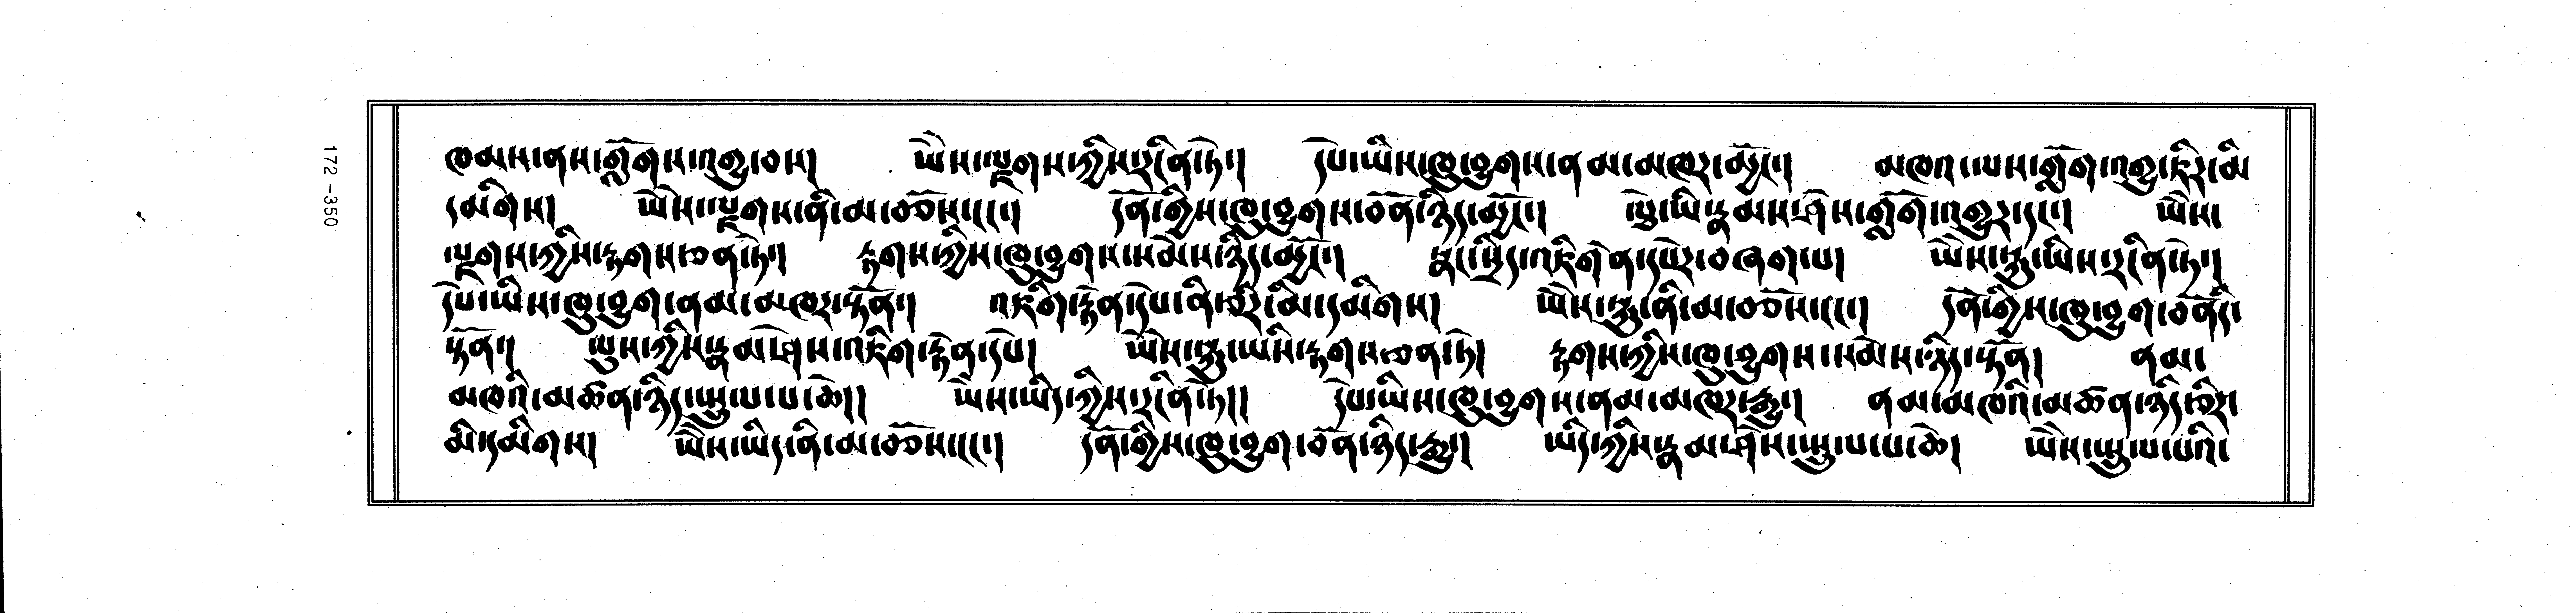ཁམས་ནས་གློགས་འགྱུར་བས། ཡེ་ཤེས་ལྗགས་ཀྱིས་རང་བཞིན་ཏེ། དཔེ་ཡིས་ཁུ་བྱུག་ནམ་མཁར་མྱོང་། མཁའ་ལས་གློག་འགྱུ་ཇིར་མི་
དམིགས། ཡེ་ཤེས་ལྗགས་ནི་མ་བཅོས་ངང་། དོན་གྱིས་ཁུ་བྱུག་བོན་ཉིད་མྱོང་། ལྕེ་ཡི་རྣམ་ཤེས་གློག་འགྱུར་དང་། ཡེ་ཤེས་
ལྗངས་ཀྱིས་རྟགས་ཅན་ཏེ། རྟགས་ཀྱིས་ཁུ་བྱུག་སེམས་ཉིད་མྱོང་། སྣང་སྲིད་འཇིག་ཏེན་དཔེར་བཞག་པ། ཡེ་ཤེས་སྐུ་ཡིས་རང་བཞིན་ཏེ། 
དཔེ་ཡིས་ཁུ་བྱུག་ནམ་མཁར་སྟོན། འཇིག་རྟེན་དཔེ་ནི་ཅིར་མི་དམིགས། ཡེ་ཤེས་སྐུ་ནི་མ་བཅོས་ངང་། དོན་གྱིས་ཁུ་བྱུག་བོན་ཉིད་
སྟོན། ལུས་ཀྱིས་རྣམ་ཤེས་འཇིག་རྟེན་དཔེ། ཡེ་ཤེས་སྐུ་ཡིས་རྟགས་ཅན་ཏེ། རྟགས་ཀྱིས་ཁུ་བྱུག་སེམས་ཉིད་སྟོན། ནམ་
མཁའི་མཚན་ཉིད་སྤྲུལ་པ་ཆེ། ཡེ་ཤེས་ཡིད་ཀྱིས་རང་བཞིན་ཏེ། དཔེ་ཡིས་ཁུ་བྱུག་ནམ་མཁར་རྒྱུ། ནམ་མཁའི་མཚན་ཉིད་ཅིར་
མི་དམིགས། ཡེ་ཤེས་ཡིད་ནི་མ་བཅོས་ངང་། དོན་གྱིས་ཁུ་བྱུག་བོན་ཉིད་རྒྱུ། ཡིད་ཀྱིས་རྣམ་ཤེས་སྤྲུལ་པ་ཆེ། ཡེ་ཤེས་སྤྲུལ་པའི་